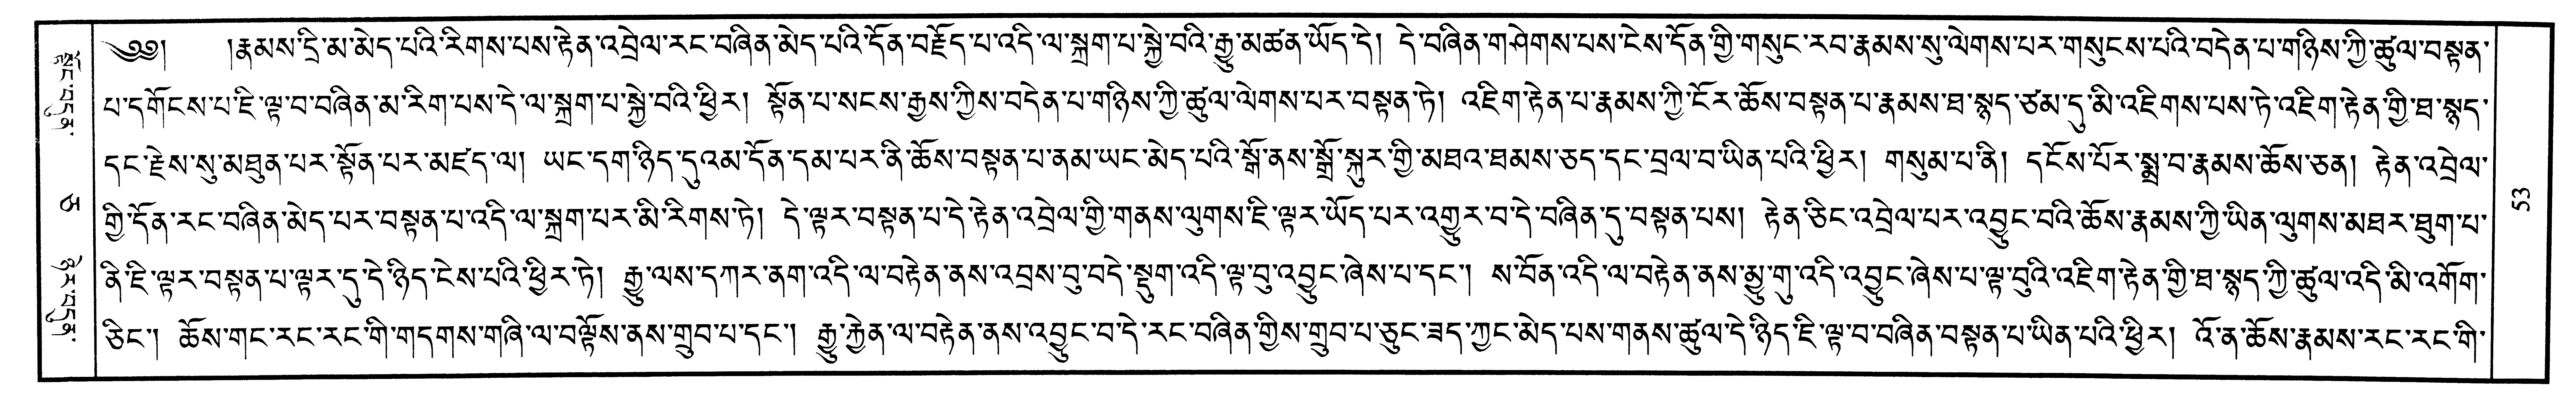༄༅། །རྣམས་དྲི་མ་མེད་པའི་རིགས་པས་རྟེན་འབྲེལ་རང་བཞིན་མེད་པའི་དོན་བརྗོད་པ་འདི་ལ་སྐྲག་པ་སྐྱེ་བའི་རྒྱུ་མཚན་ཡོད་དེ། དེ་བཞིན་གཤེགས་པས་ངེས་དོན་གྱི་གསུང་རབ་རྣམས་སུ་ལེགས་པར་གསུངས་པའི་བདེན་པ་གཉིས་ཀྱི་ཚུལ་བསྟན་
པ་དགོངས་པ་ཇི་ལྟ་བ་བཞིན་མ་རིག་པས་དེ་ལ་སྐྲག་པ་སྐྱེ་བའི་ཕྱིར། སྟོན་པ་སངས་རྒྱས་ཀྱིས་བདེན་པ་གཉིས་ཀྱི་ཚུལ་ལེགས་པར་བསྟན་ཏེ། འཇིག་རྟེན་པ་རྣམས་ཀྱི་ངོར་ཆོས་བསྟན་པ་རྣམས་ཐ་སྙད་ཙམ་དུ་མི་འཇིགས་པས་ཏེ་འཇིག་རྟེན་གྱི་ཐ་སྙད་
དང་རྗེས་སུ་མཐུན་པར་སྟོན་པར་མཛད་ལ། ཡང་དག་ཉིད་དུའམ་དོན་དམ་པར་ནི་ཆོས་བསྟན་པ་ནམ་ཡང་མེད་པའི་སྒོ་ནས་སྒྲོ་སྐུར་གྱི་མཐའ་ཐམས་ཅད་དང་བྲལ་བ་ཡིན་པའི་ཕྱིར། གསུམ་པ་ནི། དངོས་པོར་སྨྲ་བ་རྣམས་ཆོས་ཅན། རྟེན་འབྲེལ་
གྱི་དོན་རང་བཞིན་མེད་པར་བསྟན་པ་འདི་ལ་སྐྲག་པར་མི་རིགས་ཏེ། དེ་ལྟར་བསྟན་པ་དེ་རྟེན་འབྲེལ་གྱི་གནས་ལུགས་ཇི་ལྟར་ཡོད་པར་འགྱུར་བ་དེ་བཞིན་དུ་བསྟན་པས། རྟེན་ཅིང་འབྲེལ་པར་འབྱུང་བའི་ཆོས་རྣམས་ཀྱི་ཡིན་ལུགས་མཐར་ཐུག་པ་
ནི་ཇི་ལྟར་བསྟན་པ་ལྟར་དུ་དེ་ཉིད་ངེས་པའི་ཕྱིར་ཏེ། རྒྱུ་ལས་དཀར་ནག་འདི་ལ་བརྟེན་ནས་འབྲས་བུ་བདེ་སྡུག་འདི་ལྟ་བུ་འབྱུང་ཞེས་པ་དང་། ས་བོན་འདི་ལ་བརྟེན་ནས་མྱུ་གུ་འདི་འབྱུང་ཞེས་པ་ལྟ་བུའི་འཇིག་རྟེན་གྱི་ཐ་སྙད་ཀྱི་ཚུལ་འདི་མི་འགོག་
ཅིང་། ཆོས་གང་རང་རང་གི་གདགས་གཞི་ལ་བལྟོས་ནས་གྲུབ་པ་དང་། རྒྱུ་རྐྱེན་ལ་བརྟེན་ནས་འབྱུང་བ་དེ་རང་བཞིན་གྱིས་གྲུབ་པ་ཅུང་ཟད་ཀྱང་མེད་པས་གནས་ཚུལ་དེ་ཉིད་ཇི་ལྟ་བ་བཞིན་བསྟན་པ་ཡིན་པའི་ཕྱིར། འོ་ན་ཆོས་རྣམས་རང་རང་གི་